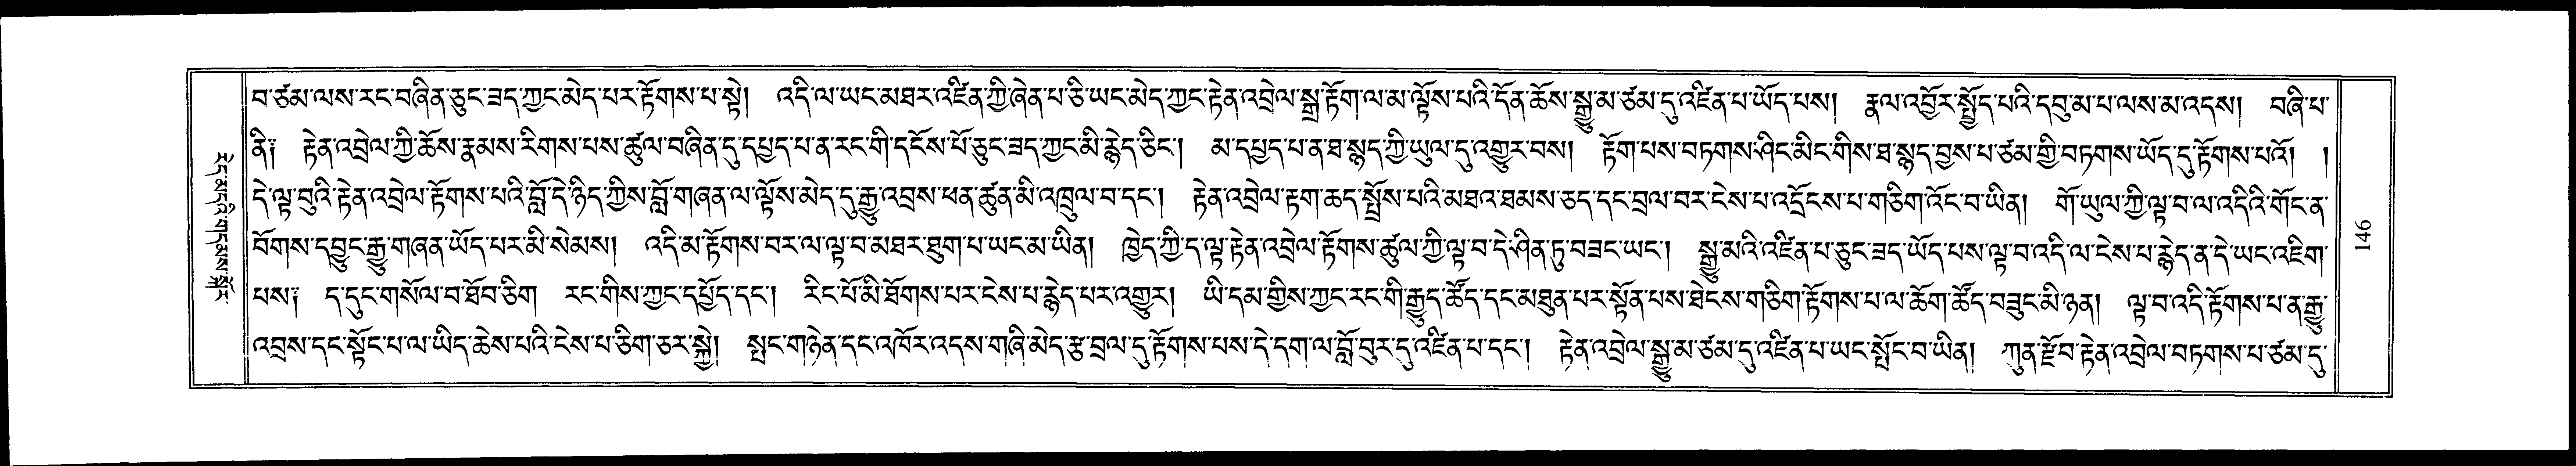བ་ཙམ་ལས་རང་བཞིན་ཅུང་ཟད་ཀྱང་མེད་པར་རྟོགས་པ་སྟེ། འདི་ལ་ཡང་མཐར་འཛིན་ཀྱི་ཞེན་པ་ཅི་ཡང་མེད་ཀྱང་རྟེན་འབྲེལ་སྒྲ་རྟོག་ལ་མ་ལྟོས་པའི་དོན་ཆོས་སྒྱུ་མ་ཙམ་དུ་འཛིན་པ་ཡོད་པས། རྣལ་འབྱོར་སྤྱོད་པའི་དབུ་མ་པ་ལས་མ་འདས། བཞི་པ་
ནི། རྟེན་འབྲེལ་ཀྱི་ཆོས་རྣམས་རིགས་པས་ཚུལ་བཞིན་དུ་དཔྱད་པ་ན་རང་གི་དངོས་པོ་ཅུང་ཟད་ཀྱང་མི་རྙེད་ཅིང་། མ་དཔྱད་པ་ན་ཐ་སྙད་ཀྱི་ཡུལ་དུ་འགྱུར་བས། རྟོག་པས་བཏགས་ཤིང་མིང་གིས་ཐ་སྙད་བྱས་པ་ཙམ་གྱི་བཏགས་ཡོད་དུ་རྟོགས་པའོ། །
དེ་ལྟ་བུའི་རྟེན་འབྲེལ་རྟོགས་པའི་བློ་དེ་ཉིད་ཀྱིས་བློ་གཞན་ལ་ལྟོས་མེད་དུ་རྒྱུ་འབྲས་ཕན་ཚུན་མི་འཁྲུལ་བ་དང་། རྟེན་འབྲེལ་རྟག་ཆད་སྤྲོས་པའི་མཐའ་ཐམས་ཅད་དང་བྲལ་བར་ངེས་པ་འདྲོངས་པ་གཅིག་འོང་བ་ཡིན། གོ་ཡུལ་ཀྱི་ལྟ་བ་ལ་འདིའི་གོང་ན་
བོགས་དབྱུང་རྒྱུ་གཞན་ཡོད་པར་མི་སེམས། འདི་མ་རྟོགས་པར་ལ་ལྟ་བ་མཐར་ཐུག་པ་ཡང་མ་ཡིན། ཁྱེད་ཀྱི་ད་ལྟ་རྟེན་འབྲེལ་རྟོགས་ཚུལ་ཀྱི་ལྟ་བ་དེ་ཤིན་ཏུ་བཟང་ཡང་། སྒྱུ་མའི་འཛིན་པ་ཅུང་ཟད་ཡོད་པས་ལྟ་བ་འདི་ལ་ངེས་པ་རྙེད་ན་དེ་ཡང་འཇིག་
པས། ད་དུང་གསོལ་བ་ཐོབ་ཅིག་རང་གིས་ཀྱང་དཔྱོད་དང་། རིང་པོ་མི་ཐོགས་པར་ངེས་པ་རྙེད་པར་འགྱུར། ཡི་དམ་གྱིས་ཀྱང་རང་གི་རྒྱུད་ཚོད་དང་མཐུན་པར་སྟོན་པས་ཐེངས་གཅིག་རྟོགས་པ་ལ་ཆོག་ཚོད་བཟུང་མི་ཉན། ལྟ་བ་འདི་རྟོགས་པ་ན་རྒྱུ་
འབྲས་དང་སྟོང་པ་ལ་ཡིད་ཆེས་པའི་ངེས་པ་ཅིག་ཅར་སྐྱེ། སྤང་གཉེན་དང་འཁོར་འདས་གཞི་མེད་རྩ་བྲལ་དུ་རྟོགས་པས་དེ་དག་ལ་བློ་བུར་དུ་འཛིན་པ་དང་། རྟེན་འབྲེལ་སྒྱུ་མ་ཙམ་དུ་འཛིན་པ་ཡང་སྤོང་བ་ཡིན། ཀུན་རྫོབ་རྟེན་འབྲེལ་བཏགས་པ་ཙམ་དུ་